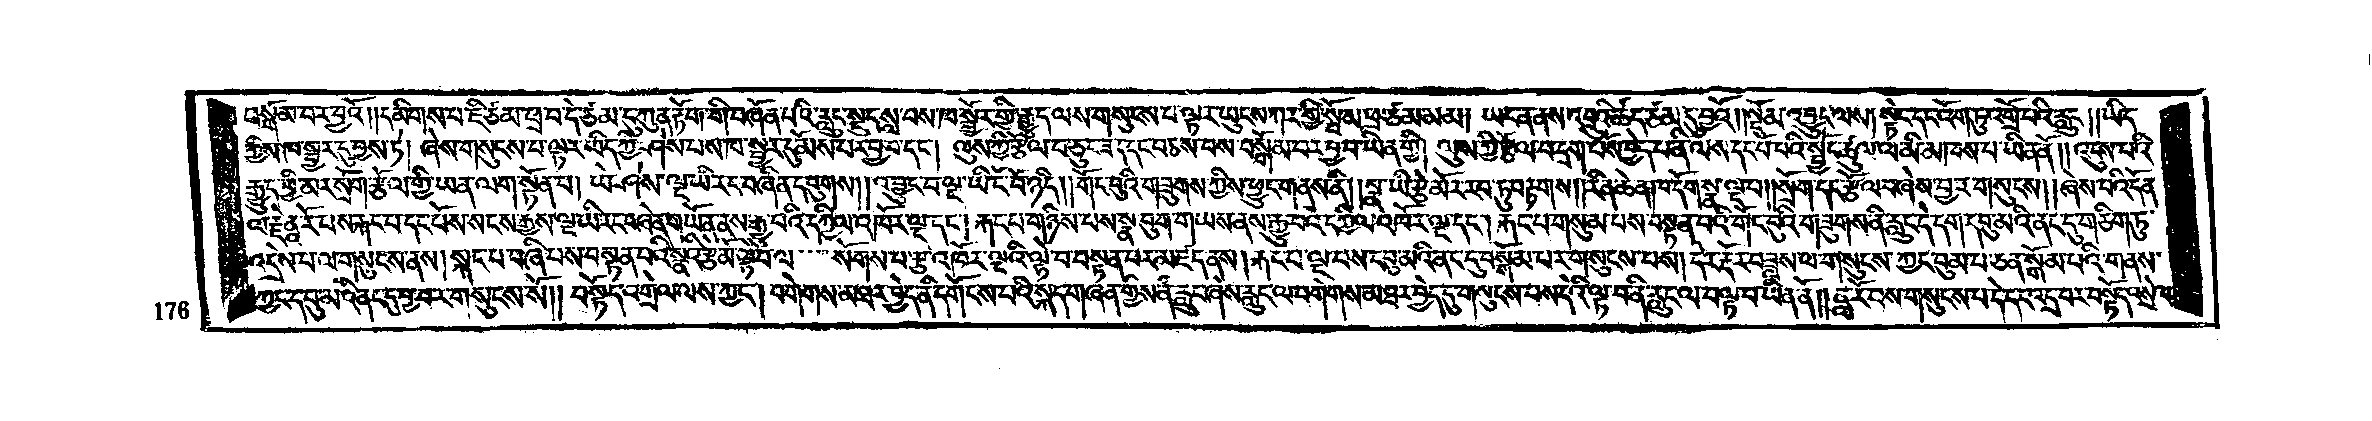བསྒོམ་པར་བྱའོ། །དམིགས་པ་ཇི་ཙམ་ཕྲ་བ་དེ་ཙམ་དུ་ཀུན་རྟོག་གི་བཞོན་པའི་རླུང་སྡུད་སླ་བས་ཁ་སྦྱོར་གྱི་རྒྱུད་ལས་གསུངས་པ་ལྟར་ཡུངས་ཀར་གྱི་སྦོམ་ཕྲ་ཙམ་མམ། ཡང་ན་ནས་འབྲུའི་ཚད་ཙམ་དུ་བྱའོ། །སྡོམ་འབྱུང་ལས། སྟེང་དང་འོག་ཏུ་འགྲོ་བའི་རླུང་། །ཡིད་
ཀྱིས་ཁ་སྦྱར་དུ་བྱས་ཏེ། ཞེས་གསུངས་པ་ལྟར་ཡིད་ཀྱི་ཤེས་པས་ཁ་སྦྱར་དུ་མོས་པར་བྱ་བ་དང་། ལུས་ཀྱི་རྩོལ་བ་ཅུང་ཟད་དང་བཅས་པས་བསྒོམ་པར་བྱ་བ་ཡིན་གྱི་།ལུས་ཀྱི་རྩོལ་བ་དྲག་པོས་ཁྱེད་པ་ནི་ལས་དང་པོ་པའི་སྦྱོང་ཚུལ་ལ་མི་མཁས་པ་ཡིན་ནོ། །འདུས་པའི་
རྒྱུད་ཕྱི་མར་སྲོག་རྩོལ་གྱི་ཡན་ལག་སྟོན་པ། ཡེ་ཤེས་ལྔ་ཡི་རང་བཞིན་དབུགས། །འབྱུང་བ་ལྔ་ཡི་ངོ་བོ་ཉིད། །གོང་བུའི་གཟུགས་ཀྱིས་ཕྱུང་གནས་ནི། །སྣ་ཡི་རྩེ་མོར་རབ་ཏུ་བརྟགས། །རིན་ཆེན་ཁ་དོག་སྣ་ལྔ་པ། །སྲོག་དང་རྩོལ་བ་ཞེས་བྱར་གསུངས། །ཞེས་པའི་དོན་
ལ་རྗེ་ནཱ་རོ་པས་རྐང་པ་དང་པོས་སངས་རྒྱས་ལྔ་ཡི་རང་བཞིན་གཡོན་ནས་རྒྱུ་བའི་དཀྱིལ་འཁོར་ལྔ་དང་། རྐང་པ་གཉིས་པས་སྣ་བུག་གཡས་ནས་རྒྱུ་བའི་དཀྱིལ་འཁོར་ལྔ་དང་། རྐང་པ་གསུམ་པས་བསྟན་པའི་གོང་བུའི་གཟུགས་ནི་རླུང་དེ་དག་དབུ་མའི་ནང་དུ་གཅིག་ཏུ་
འདྲེས་པ་ལ་གསུངས་ནས། སྐང་པ་བཞི་པས་བསྟན་པའི་སྣའི་རྩེ་མོ་ལྟེ་བ་ལ་སོགས་པ་རྩེ་འཁོར་ལྔའི་ལྟེ་བ་བསྟན་པར་མཛད་ནས། རྐང་པ་ལྔ་པས་དབུ་མའི་ནང་དུ་བསྒོམ་པར་གསུངས་པས། དེར་རྡོར་བཟླས་ལ་གསུངས་ཀྱང་བུམ་པ་ཅན་སྒོམ་པའི་གནས་
ཀྱང་དབུ་མའི་ནང་དུ་བྱ་བར་གསུངས་སོ། །བསྟོད་འགྲེལ་ལས་ཀྱང་། བགེགས་མཐར་བྱེད་ནི་དགོངས་པའི་སྐད་གཞན་གྱིས་ནི་རླུང་ཞེས་རླུང་ལ་བགེགས་མཐར་བྱེད་དུ་གསུངས་པས་དེའི་ལྟ་བ་ནི་རླུང་ལ་བལྟ་བ་ཡིན་ནོ། །ནཱ་རོ་པས་གསུངས་པ་དེ་དང་འདྲ་བར་བསྟོད་བསྲེལ་